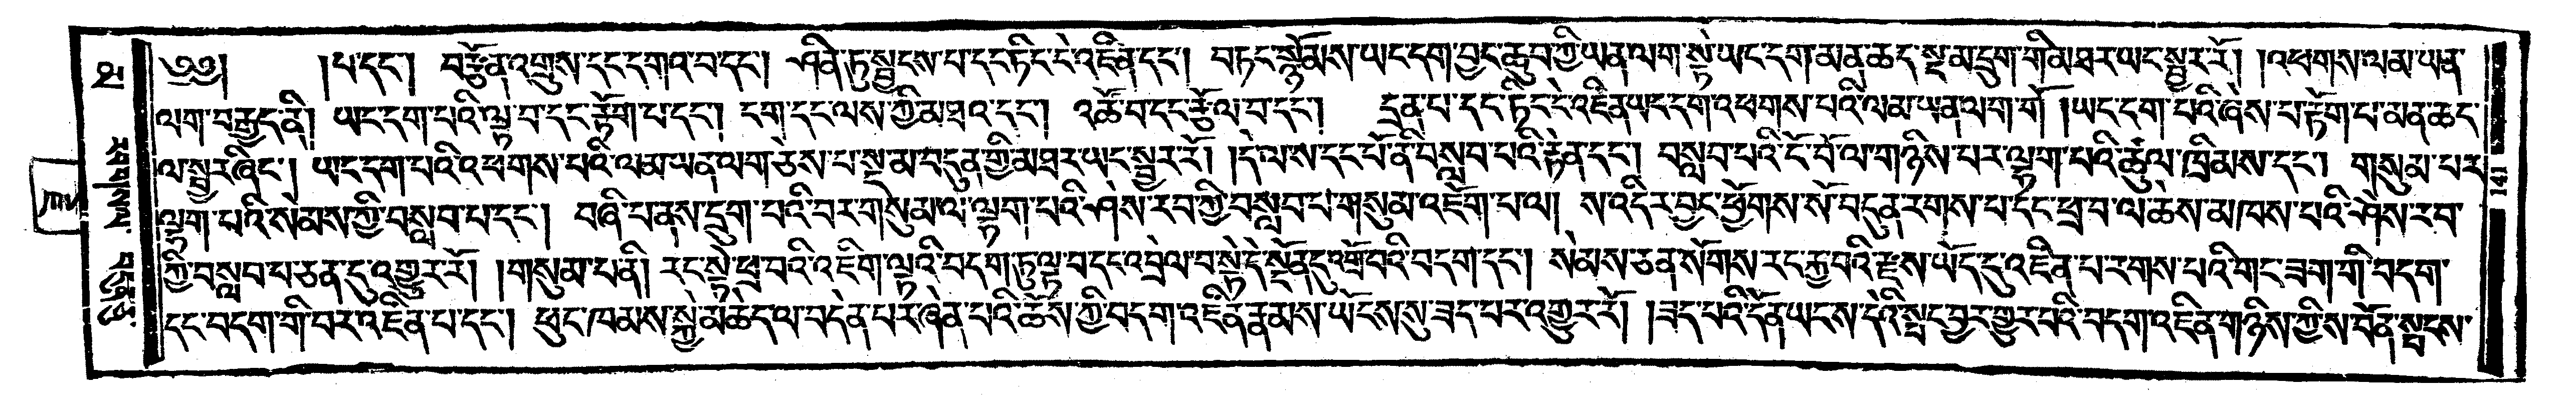༄༅། །པ་དང་། བརྩོན་འགྲུས་དང་དགའ་བ་དང་། ཤིན་ཏུ་སྦྱངས་པ་དང་ཏིང་ངེ་འཛིན་དང་། བཏང་སྙོམས་ཡང་དག་བྱང་ཆུབ་ཀྱི་ཡན་ལག་སྟེ་ཡང་དག་མན་ཆད་སྔ་མ་དྲུག་གི་མཐར་ཡང་སྦྱར་རོ། །འཕགས་ལམ་ཡན་
ལག་བརྒྱད་ནི། ཡང་དག་པའི་ལྟ་བ་དང་རྟོག་པ་དང་། ངག་དང་ལས་ཀྱི་མཐའ་དང་། འཚོ་བ་དང་རྩོལ་བ་དང་། དྲན་པ་དང་ཏིང་ངེ་འཛིན་ཡང་དག་འཕགས་པའི་ལམ་ཡན་ལག་གོ །ཡང་དག་པའི་ཞེས་པ་རྟོག་པ་མན་ཆད་
ལ་སྦྱར་ཞིང་། ཡང་དག་པའི་འཕགས་པའི་ལམ་ཡན་ལག་ཅེས་པ་སྔ་མ་བདུན་གྱི་མཐར་ཡང་སྦྱར་རོ། །དེ་ལ་ས་དང་པོ་ནི་བསླབ་པའི་རྟེན་དང་། བསླབ་པའི་ངོ་བོ་ལ་གཉིས་པར་ལྷག་པའི་ཚུལ་ཁྲིམས་དང་། གསུམ་པར་
ལྷག་པའི་སེམས་ཀྱི་བསླབ་པ་དང་། བཞི་པ་ནས་དྲུག་པའི་བར་གསུམ་ལ་ལྷག་པའི་ཤེས་རབ་ཀྱི་བསླབ་པ་གསུམ་འཇོག་པ་ལ། ས་འདིར་བྱང་ཕྱོགས་སོ་བདུན་རགས་པ་དང་ཕྲ་བ་ལ་ཆེས་མཁས་པའི་ཤེས་རབ་
ཀྱི་བསླབ་པ་ཅན་དུ་འགྱུར་རོ། །གསུམ་པ་ནི། རང་སྟེ་ཕྲ་བའི་འཇིག་ལྟའི་བདག་ཏུ་ལྟ་བ་དང་འབྲེལ་བ་སྟེ་དེ་སྔོན་དུ་འགྲོ་བའི་བདག་དང་། སེམས་ཅན་སོགས་རང་རྐྱ་བའི་རྫས་ཡོད་དུ་འཛིན་པ་རགས་པའི་གང་ཟག་གི་བདག་
དང་བདག་གི་བར་འཛིན་པ་དང་། ཕུང་ཁམས་སྐྱེ་མཆེད་ལ་བདེན་པར་ཞེན་པའི་ཆོས་ཀྱི་བདག་འཛིན་རྣམས་ཡོངས་སུ་ཟད་པར་འགྱུར་རོ། །ཟད་པའི་དོན་ཡང་ས་དེའི་སྤང་བྱར་གྱུར་པའི་བདག་འཛིན་གཉིས་ཀྱི་ས་བོན་སྤངས་